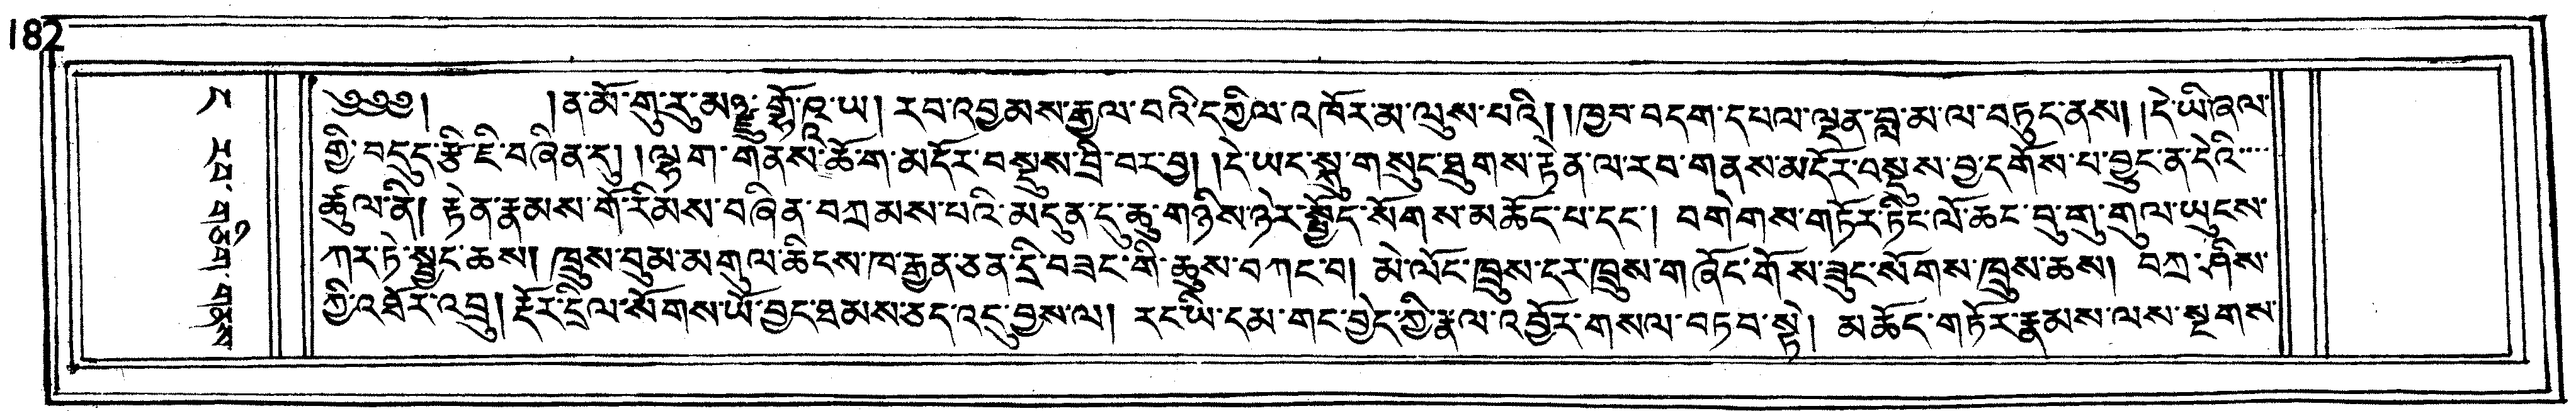༄༅༅། །ན་མོ་གུ་རུ་མཉྫུ་གྷོ་ཥཱ་ཡ། རབ་འབྱམས་རྒྱལ་བའི་དཀྱིལ་འཁོར་མ་ལུས་པའི། །ཁྱབ་བདག་དཔལ་ལྡན་བླ་མ་ལ་བཏུད་ནས། །དེ་ཡི་ཞལ་
གྱི་བདུད་རྩི་ཇི་བཞིན་དུ། །ལྷག་གནས་ཆོ་ག་མདོར་བསྡུས་བྲི་བར་བྱ། །དེ་ཡང་སྐུ་གསུང་ཐུགས་རྟེན་ལ་རབ་གནས་མདོར་བསྡུས་བྱ་དགོས་པ་བྱུང་ན་དེའི་
ཚུལ་ནི། རྟེན་རྣམས་གོ་རིམས་བཞིན་བཀྲམས་པའི་མདུན་དུ་ཆུ་གཉིས་ཉེར་སྤྱོད་སོགས་མཆོད་པ་དང་། བགེགས་གཏོར་ཏིང་ལོ་ཆང་བུ་གུ་གུལ་ཡུངས་
ཀར་ཏེ་སྦྱང་ཆས། ཁྲུས་བུམ་མགུལ་ཆིངས་ཁ་རྒྱན་ཅན་དྲི་བཟང་གི་ཆུས་བཀང་བ། མེ་ལོང་ཁྲུས་དར་ཁྲུས་གཞོང་གོས་ཟུང་སོགས་ཁྲུས་ཆས། བཀྲ་ཤིས་
ཀྱི་འཐོར་འབྲུ། རྡོར་དྲིལ་སོགས་ཡོ་བྱང་ཐམས་ཅད་འདུ་བྱས་ལ། རང་ཡི་དམ་གང་བྱེད་ཀྱི་རྣལ་འབྱོར་གསལ་བཏབ་སྟེ། མཆོད་གཏོར་རྣམས་ལས་སྔགས་